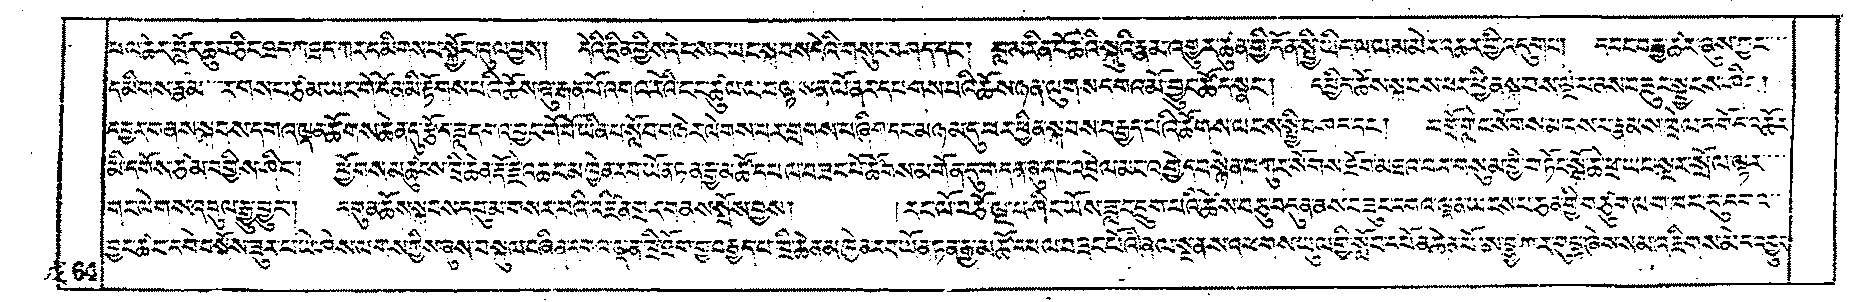ཕལ་ཆེར་བློར་ཆུབ་ཅིང་ཐད་ཀ་ཐད་ཀར་དམིགས་པ་སྐྱོང་ཁུལ་བྱས། དེའི་དྲིན་གྱིས་དེང་སང་ཡང་སྐབས་དེའི་གསུང་བཤད་དང་། བླ་མ་རིན་པོ་ཆེའི་སྐུའི་རྣམ་འགྱུར་ཚུན་གྱི་དོན་སྤྱི་ཡིད་ལ་ལམ་མེར་འཆར་གྱི་འདུག་པ། དབང་བརྒྱ་ཚར་ཞུས་ཀྱང་
དམིགས་རྣམ་རགས་པ་ཙམ་ཡང་གོ་དོན་མི་རྟོགས་པའི་ཆོས་ཞུ་རྒན་པོ་འགའ་རེའི་ངང་ཚུལ་ལ་བལྟས་ན་ལོ་ནར་དཔགས་པའི་ཆོས་ཉན་ལུགས་དགའ་མོ་བྱུང་ཚོད་སྣང་། དཔྱིད་ཆོས་སྐབས་ཕར་ཕྱིན་སྐབས་ལྔ་པ་ནས་བཟུང་སྦྱངས་ཤིང་།
དབྱར་གནས་སྐབས་དགའ་ལྡན་ཚོགས་ཆེན་དུ་རྩོད་ཟླ་དགའ་བྱང་གོ་བོ་ཡིན་པ་སློབ་གཉེར་ལེགས་པར་གྲགས་པ་ཞིག་དང་མཉམ་དུ་ཕར་ཕྱིན་སྐབས་བརྒྱད་པའི་ཚོགས་ལངས་སྤྱི་བཤད་དང་། བགྲོ་གླེང་སོགས་མཁས་པ་རྣམས་ཁྲེལ་དགོད་འཆོར་
མི་དགོས་ཙམ་བགྱིས་ཤིང་། ཕྱོགས་མཚུངས་ཁྲི་ཆེན་རྡོ་རྗེ་འཆང་མཁྱེན་རབ་ཡོན་ཏན་རྒྱ་མཚོ་དཔལ་བཟང་པོ་ཚོགས་མགོན་དུ་གདན་ཞུ་དང་འབྲེལ་མང་འགྱེད་བསྙེན་བཀུར་སོགས་ཐོག་མཐའ་བར་གསུམ་གྱི་གཏོང་སྒོ་ཆེ་ཕྲ་ཡང་སྔར་སྲོལ་ལྟར་
གང་ལེགས་འབུལ་རྒྱུ་བྱུང་། དགུན་ཆོས་སྐབས་དབུ་མ་གསར་པའི་འཛིན་གྲར་གནས་སྤོས་བྱས། །རང་ལོ་བཅོ་ལྔ་པ་ཤིང་ཡོས་ཟླ་བ་དྲུག་པའི་ཚེས་བཅུ་བདུན་ནས་བཟུང་དགའ་ལྡན་ཡངས་པ་ཅན་གྱི་གཙུག་ལག་ཁང་དུ་དགའ་
བྱང་ཚ་བ་དགེ་བསྐོས་ཟུར་པ་ཡེ་ཤེས་ལགས་ཀྱིས་ཞུས་བསྐུལ་བཞིན་དགའ་ལྡན་ཁྲི་ཐོག་གྱ་བརྒྱད་པ་ཁྲི་ཆེན་མཁྱེན་རབ་ཡོན་ཏན་རྒྱ་མཚོ་དཔལ་བཟང་པོའི་ཞལ་སྔ་ནས་འཕགས་ཡུལ་གྱི་སློབ་དཔོན་ཆེན་པོ་ཨ་བྷྱ་ཀ་ར་གུཔྟ་ཞེས་སམ་འཇིགས་མེད་འབྱུང་